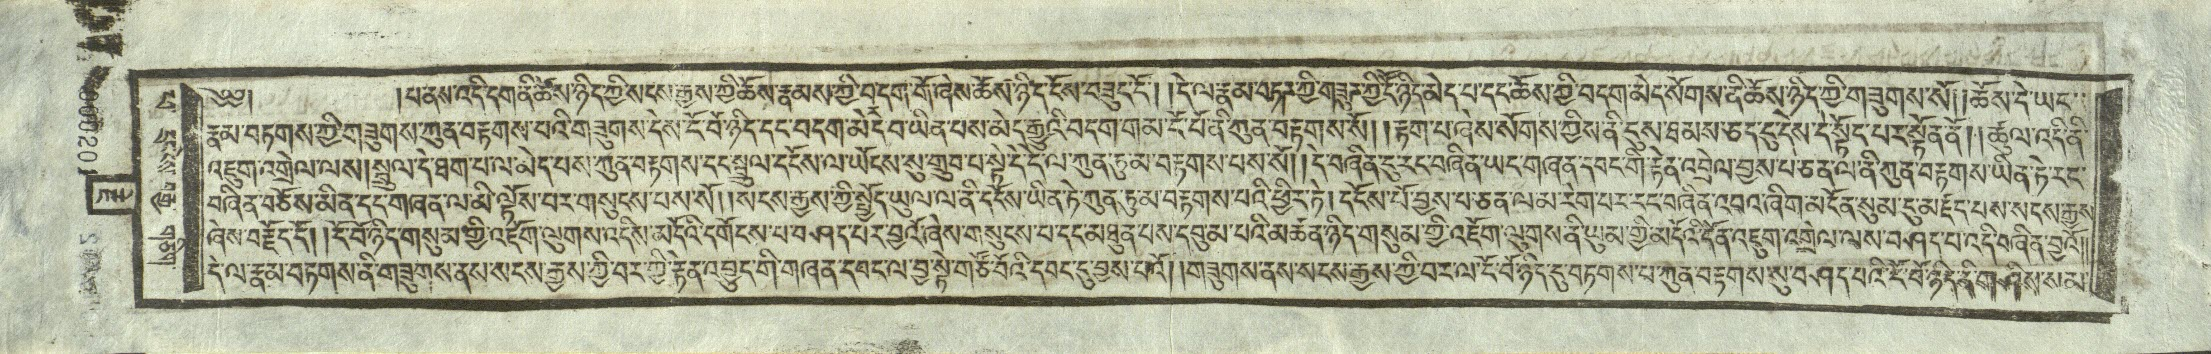༄༅། །པ་ནས་འདི་དག་ནི་ཆོས་ཉིད་ཀྱི་སངས་རྒྱས་ཀྱི་ཆོས་རྣམས་ཀྱི་བདག་གོ་ཞེས་ཆོས་ཉིད་ངོས་བཟུང་ངོ། །དེ་ལ་རྣམ་བཏགས་ཀྱི་གཟུགས་ཀྱི་ངོ་བོ་ཉིད་མེད་པ་དང་ཆོས་ཀྱི་བདག་མེད་སོགས་ནི་ཆོས་ཉིད་ཀྱི་གཟུགས་སོ། །ཆོས་དེ་ཡང་
རྣམ་བཏགས་ཀྱི་གཟུགས་ཀུན་བརྟགས་པའི་གཟུགས་དེས་ངོ་བོ་ཉིད་དང་བདག་མེད་བ་ཡིན་པས་མེད་རྒྱུའི་བདག་གམ་ངོ་བོ་ནི་ཀུན་བརྟགས་སོ། །རྟག་པ་ཞེས་སོགས་ཀྱིས་ནི་དུས་ཐམས་ཅད་དུ་ངས་དེ་སྟོང་པར་སྟོན་ནོ། །ཚུལ་འདི་ནི་
འཇུག་འགྲེལ་ལས། སྦྲུལ་དེ་ཐག་པ་ལ་མེད་པས་ཀུན་བརྟགས་དང་སྦྲུལ་དངོས་ལ་ཡོངས་སུ་གྲུབ་པ་སྟེ་དེ་དེ་ལ་ཀུན་ཏུ་མ་བརྟགས་པས་སོ། །དེ་བཞིན་དུ་རང་བཞིན་ཡང་གཞན་དབང་གི་རྟེན་འབྲེལ་བྱས་པ་ཅན་ལ་ནི་ཀུན་བརྟགས་ཡིན་ཏེ་རང་
བཞིན་བཅོས་མིན་དང་གཞན་ལ་མི་ལྟོས་པར་གསུངས་པས་སོ། །སངས་རྒྱས་ཀྱི་སྤྱོད་ཡུལ་ལ་ནི་དངོས་ཡིན་ཏེ་ཀུན་ཏུ་མ་བརྟགས་པའི་ཕྱིར་ཏེ། དངོས་པོ་བྱས་པ་ཅན་ལ་མ་རེག་པར་རང་བཞིན་འབའ་ཞིག་མངོན་སུམ་དུ་མཛད་པས་སངས་རྒྱས་
ཞེས་བརྗོད་དོ། །ངོ་བོ་ཉིད་གསུམ་གྱི་འཇོག་ལུགས་འདིས་མདོའི་དགོངས་བ་བཤད་པར་བྱའོ་ཞེས་གསུངས་པ་དང་མཐུན་པས་དབུ་མ་པའི་མཚན་ཉིད་གསུམ་གྱི་འཇོག་ལུགས་ནི་ཡུམ་གྱི་མདོའི་དོན་འཇུག་འགྲེལ་ལས་བཤད་པ་འདི་བཞིན་བྱའོ།།
དེ་ལ་རྣམ་བཏགས་ནི་གཟུགས་ནས་སངས་རྒྱས་ཀྱི་བར་གྱི་རྟེན་འབྱུང་གི་གཞན་དབང་ལ་བྱ་སྟེ་གཙོ་བོའི་དབང་དུ་བྱས་པའོ། །གཟུགས་ནས་སངས་རྒྱས་ཀྱི་བར་ལ་ངོ་བོ་ཉིད་དུ་བཏགས་པ་ཀུན་བརྟགས་སུ་བཤད་པའི་ངོ་བོ་ཉིད་ནི་གཤིས་སམ་